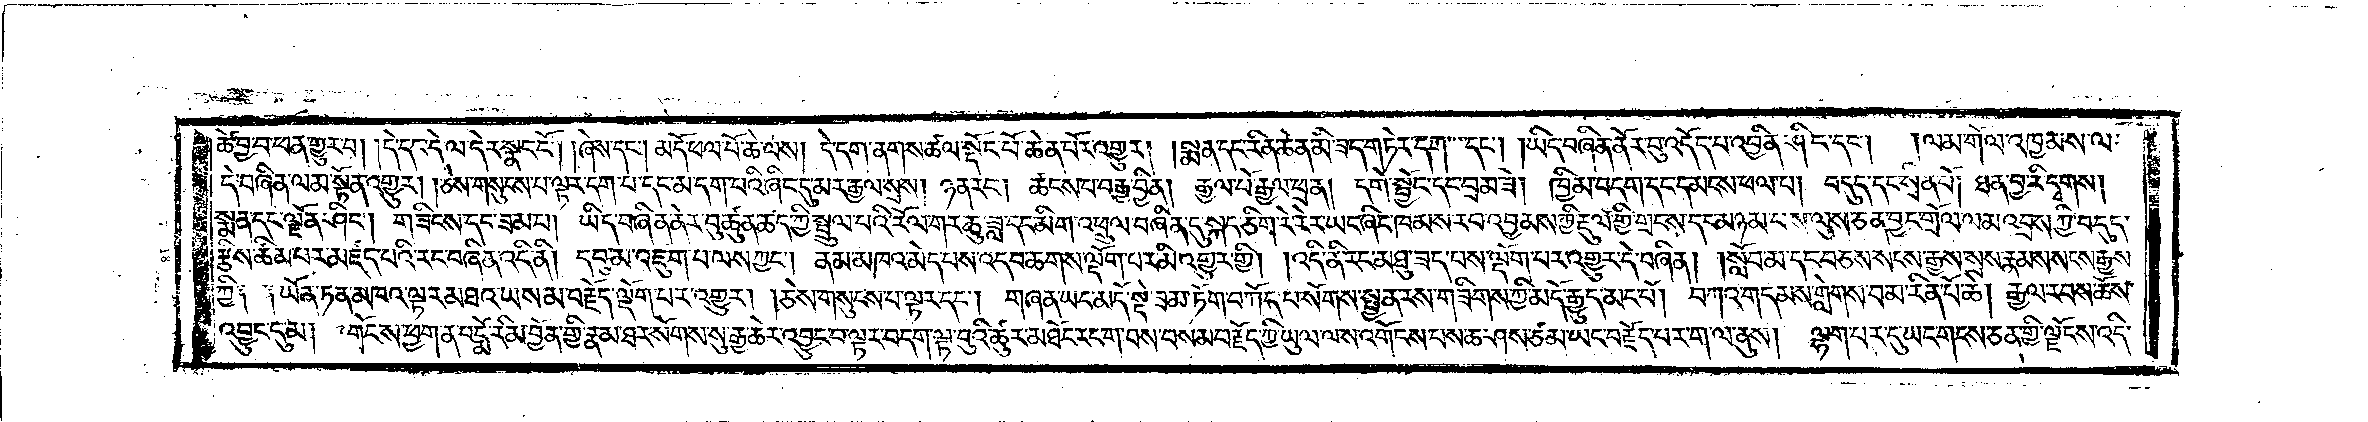ཚེ་བྱ་བ་ཕན་གྱུར་བ། །དེ་དང་དེ་ལ་དེར་སྣང་ངོ། །ཞེས་དང་། མདོ་ཕལ་པོ་ཆེ་ལས། དེ་དག་ནགས་ཚལ་སྡོང་པོ་ཆེན་པོར་འགྱུར། །སྨན་དང་རིན་ཆེན་མི་ཟད་གཏེར་དག་དང་། །ཡིད་བཞིན་ནོར་བུ་འདོད་པ་འབྱིན་ཤིང་དང་། །ལམ་གོལ་འཁྱམས་ལ་
དེ་བཞིན་ལམ་སྟོན་འགྱུར། །ཅེས་གསུངས་པ་ལྟར་དག་པ་དང་མ་དག་པའི་ཞིང་དུ་མར་རྒྱལ་སྲས། ཉང་རང་། ཚངས་པ་བརྒྱ་བྱིན། རྒྱལ་པོ་རྒྱལ་ཕྲན། དགེ་སྦྱོང་དང་བྲམ་ཟེ། ཁྱིམ་བདག་དང་དམངས་ཕལ་བ། བདུད་དང་སྲིན་པོ། ཐན་བྱ་རི་དྭགས།
སྨན་དང་ལྗོན་ཤིང་། གཟིངས་དང་ཟམ་པ། ཡིད་བཞིན་ནོར་བུ་ཚུན་ཆད་ཀྱི་སྦྲུལ་པའི་རོལ་གར་ཆུ་ཟླ་དང་མིག་འཕྲུལ་བཞིན་དུ་སྐད་ཅིག་རེ་རེར་ཡང་ཞིང་ཁམ་རབ་འབྱམས་ཀྱི་རྡུལ་གྱི་གྲངས་དང་མཉམ་པས་ལུས་ཅན་བྱང་གྲོལ་ལམ་འབྲས་ཀྱི་བདུད་
རྩིས་ཆིམ་པར་མཛད་པའི་རང་བཞིན་འདི་ནི། དབུ་མ་འཇུག་པ་ལས་ཀྱང་། ནམ་མཁའ་མེད་པས་འདབ་ཆགས་ལྡོག་པར་མི་འགྱུར་གྱི། །འདི་ནི་རང་མཐུ་ཟད་པས་ལྡོག་པར་འགྱུར་དེ་བཞིན། །སློབ་མ་དང་བཅས་སངས་རྒྱས་སྲས་རྣམས་སངས་རྒྱས་
ཀྱི༑ ༑ཡོན་ཏན་མཁའ་ལྟར་མཐའ་ཡས་མ་བརྗོད་ལྡོག་པར་འགྱུར། །ཅེས་གསུངས་པ་ལྟར་དང་། གཞན་ཡང་མདོ་སྡེ་ཟམ་ཏོག་བཀོད་པ་སོགས་སྤྱན་རས་གཟིགས་ཀྱི་མདོ་རྒྱུད་མང་པོ། བཀའ་གདམས་གླེགས་བམ་རིན་པོ་ཆེ། རྒྱལ་རབས་ཆོས་
འབྱུང་དུ་མ། ༧གོངས་ཕྱག་ན་པདམོ་རིམ་བྱོན་གྱི་རྣམ་ཐར་སོགས་སུ་རྒྱ་ཆེར་འབྱུང་བ་ལྟར་བདག་ལྟ་བུའི་ཚུར་མཐོང་རང་ག་བས་བསམ་བརྗོད་ཀྱི་ཡུལ་ལས་འགོངས་པས་ཆ་ཤས་ཙམ་ཡང་བརྗོད་པར་ག་ལ་ནུས། ལྷག་པར་དུ་ཡང་གངས་ཅན་གྱི་ལྗོངས་འདི་